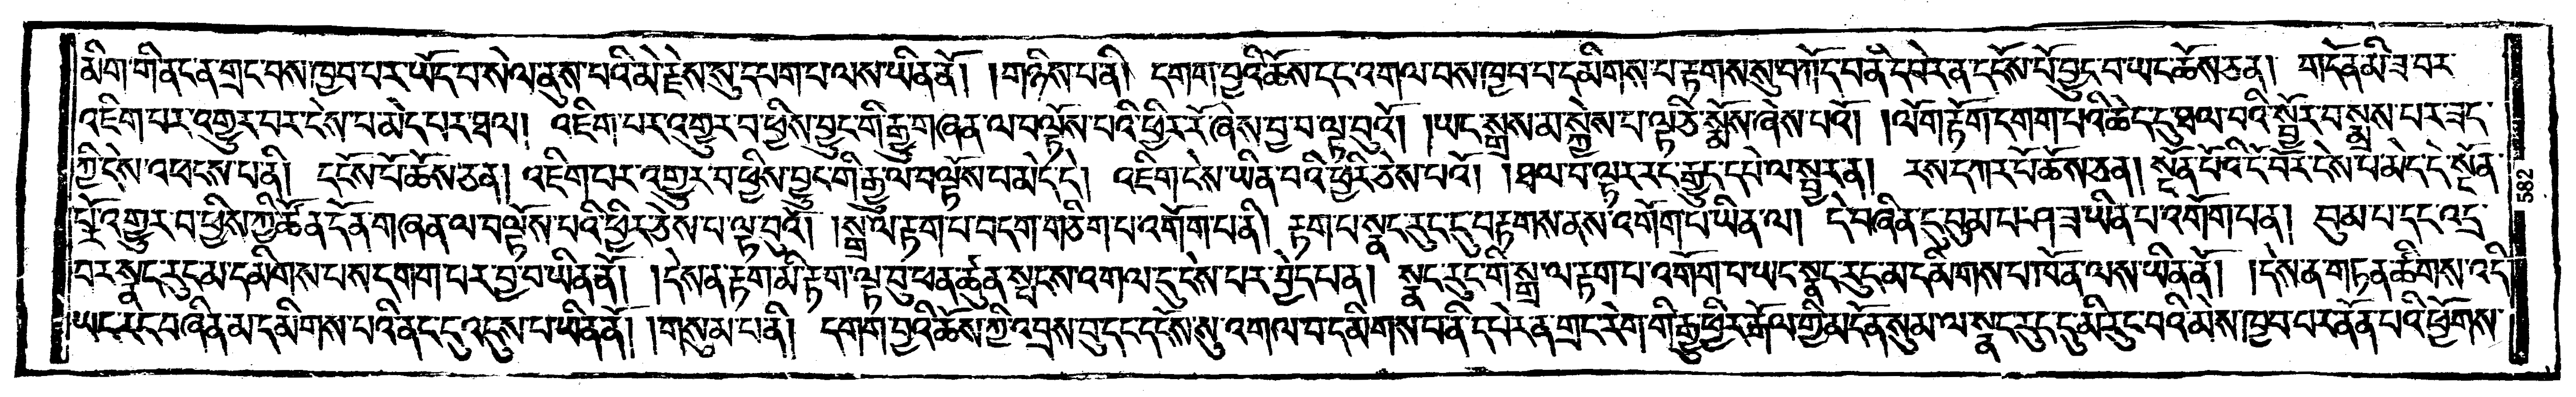མིག་གི་ནང་ན་གྲང་བས་ཁྱབ་པར་ཡོད་བ་སེལ་ནུས་པའི་མེ་རྗེས་སུ་དཔག་པ་ལས་ཡིན་ནོ། །གཉིས་པ་ནི། དགག་བྱའི་ཆོས་དང་འགལ་བས་ཁྱབ་པ་དམིགས་པ་རྟགས་སུ་བཀོད་པ་ནི་དཔེར་ན་དངོས་པོ་བྱུང་བ་ཡང་ཆོས་ཅན། གདོན་མི་ཟ་བར་
འཇིག་པར་འགྱུར་པར་ངེས་པ་མེད་པར་ཐལ། འཇིག་པར་འགྱུར་བ་ཕྱིས་བྱུང་གི་རྒྱུ་གཞན་ལ་བལྟོས་པའི་ཕྱིར་རོ་ཞེས་བྱ་བ་ལྟ་བུའོ། །ཡང་སྒྲས་མ་སྐྱེས་པ་ལྟ་ཅི་སྨོས་ཞེས་པའོ། །ལོག་རྟོག་དགག་པའི་ཆེད་དུ་ཐལ་བའི་སྦྱོར་བ་སྨྲས་པར་ཟད་
ཀྱི་ངེས་འཕངས་པ་ནི། དངོས་པོ་ཆོས་ཅན། འཇིག་པར་འགྱུར་པ་ཕྱིས་བྱུང་གི་རྒྱུ་ལ་བལྟོས་པ་མེད་དེ། འཇིག་ངེས་ཡིན་པའི་ཕྱིར་ཅེས་པའོ། །ཐལ་བ་ལྟར་རང་རྒྱུད་དཔེ་ལ་སྦྱར་ན། རས་དཀར་པོ་ཆོས་ཅན། སྔོན་པོའི་ངོ་བོར་ངེས་པ་མེད་དེ་སྔོན་
པོར་འགྱུར་བ་ཕྱིས་ཀྱི་ཚོན་དོན་གཞན་ལ་བལྟོས་པའི་ཕྱིར་ཅེས་པ་ལྟ་བུའོ། །སྒྲ་ལ་རྟག་པ་བདག་གཅིག་པ་འགོག་པ་ནི། རྟག་པ་སྣང་རུང་དུ་བརྟགས་ནས་འགོག་པ་ཡིན་ལ། དེ་བཞིན་དུ་བུམ་པ་ཤ་ཟ་ཡིན་པ་འགོག་པ་ན། བུམ་པ་དང་འདྲ་
བར་སྣང་རུང་མ་དམིགས་པས་དགག་པར་བྱ་བ་ཡིན་ནོ། །དེས་ན་རྟག་མི་རྟག་ལྟ་བུ་ཕན་ཚུན་སྤངས་འགལ་དུ་ངེས་པར་བྱེད་པ་ན། སྣང་རུང་གི་སྒྲ་ལ་རྟག་པ་འགོག་པ་ཡང་སྣང་མ་དམིགས་པ་ཁོ་ན་ལས་ཡིན་ནོ། །དེས་ན་གཏན་ཚིགས་འདི་
ཡང་རང་བཞིན་མ་དམིགས་པའི་ནང་དུ་འདུས་པ་ཡིན་ནོ། །གསུམ་པ་ནི། དགག་བྱའི་ཆོས་ཀྱི་འབྲས་བུ་དང་དངོས་སུ་འགལ་བ་དམིགས་པ་ནི་དཔེར་ན་གྲང་རེག་གི་རྒྱུ་ཕྱིར་རྒོལ་གྱི་མངོན་སུམ་ལ་སྣང་རུང་དུ་མི་རུང་བའི་མེས་ཁྱབ་པར་ནོན་པའི་ཕྱོགས་